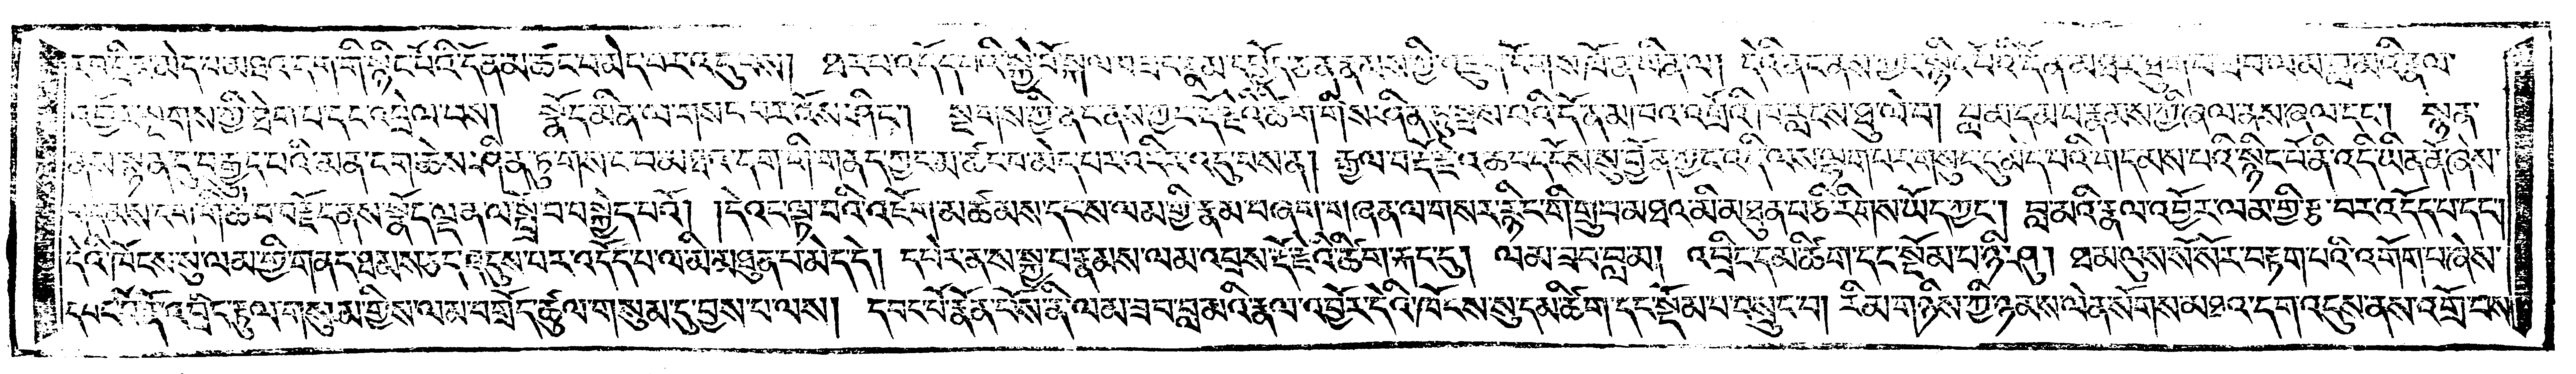རབ་དྲི་མ་མེད་པ་མཐའ་དག་གི་སྙིང་པོའི་དོན་མཚང་བ་མེད་པར་འདུ་བས། ཐར་པ་འདོད་པའི་སྐྱེ་བོ་སྐལ་བཟང་རྣམ་དཔྱོད་ཅན་རྣམས་ཀྱི་འཇུག་ངོགས་ཁོ་ན་ཡིན་ལ། དེའི་ནང་ནས་ཀྱང་སྙིང་པོའི་དོན་མཐར་ཐུག་པ་ཟབ་ལམ་བླ་མའི་རྣལ་
འབྱོར་སྔགས་ཀྱི་ཐེག་པ་དང་འབྲེལ་བས། སྣོད་མིན་ལ་གསང་བར་འོས་ཤིང་། སྔགས་ཀྱི་ནང་ནས་ཀྱང་རྡོ་རྗེའི་ཚིག་གིས་ཤིན་ཏུ་སྦས་པའི་དོན་ནམ་མཁའ་འགྲོའི་ཁ་རླངས་ཐུ་ལེ་བ། བླ་མ་དམ་པ་རྣམས་ཀྱི་ཞལ་ནས་ཞལ་དང་། སྙན་
ནས་སྙན་དུ་བརྒྱུད་པའི་མན་ངག་ཆེས་ཤིན་ཏུ་གསང་བ་མཐའ་དག་གི་གནད་ཀྱང་མ་ཚང་བ་མེད་པར་འདིར་འདུ་བས་ན། རྒྱལ་བ་རྡོ་རྗེ་འཆང་དངོས་སུ་བྱོན་ཀྱང་འདི་ལས་ལྷག་པར་གསུང་དུ་མེད་པའི་གདམས་པའི་སྙིང་པོ་ནི་འདི་ཡིན་ནོ་ཞེས་
གདམས་ངག་གི་ཆེ་བ་བརྗོད་ནས་སྣོད་ལྡན་ལ་སྤྲོ་བ་བསྐྱེད་པའོ། །དེའང་ལྟ་བའི་འཇོག་མཚམས་དང་ས་ལམ་གྱི་རྣམ་བཞག་གཞན་ལ་གསར་རྙིང་གི་གྲུབ་མཐའ་མི་མཐུན་བཅི་རིགས་ཡོད་ཀྱང་། བླ་མའི་རྣལ་འབྱོར་ལམ་གྱི་རྩ་བར་འདོད་པ་དང་
དེའི་ཁོངས་སུ་ལམ་གྱི་གནང་ཐམས་ཅད་འདུས་པར་འདོད་པ་ལ་མི་མཐུན་པ་མེད་དེ། དཔེར་ན་ས་སྐྱ་བ་རྣམས་ལས་འབྲས་རྡོ་རྗེའི་ཚིག་རྐང་དུ། ལམ་ཟབ་བླ་མ། འབྲིང་དམ་ཚིག་དང་སྡོམ་པ་ཉི་ཤུ། ཐམ་ལུས་སོ་སོར་བརྟག་པའི་འགོག་པ་ཞེས་
དབང་པོ་རྣོ་འབྲིང་རྟུལ་གསུམ་གྱིས་ལམ་བགྲོད་ཚུལ་གསུམ་དུ་བྱས་པ་ལས། དབང་པོ་རྣོན་པོས་ནི་ལམ་ཟབ་བླ་མའི་རྣལ་འབྱོར་དེའི་ཁོངས་སུ་དམ་ཚིག་དང་སྡོམ་པ་བསྲུང་བ། རིམ་གཉིས་ཀྱི་ཉམས་ལེན་སོགས་མཐའ་དག་འདུས་ནས་འགྲོ་བས་